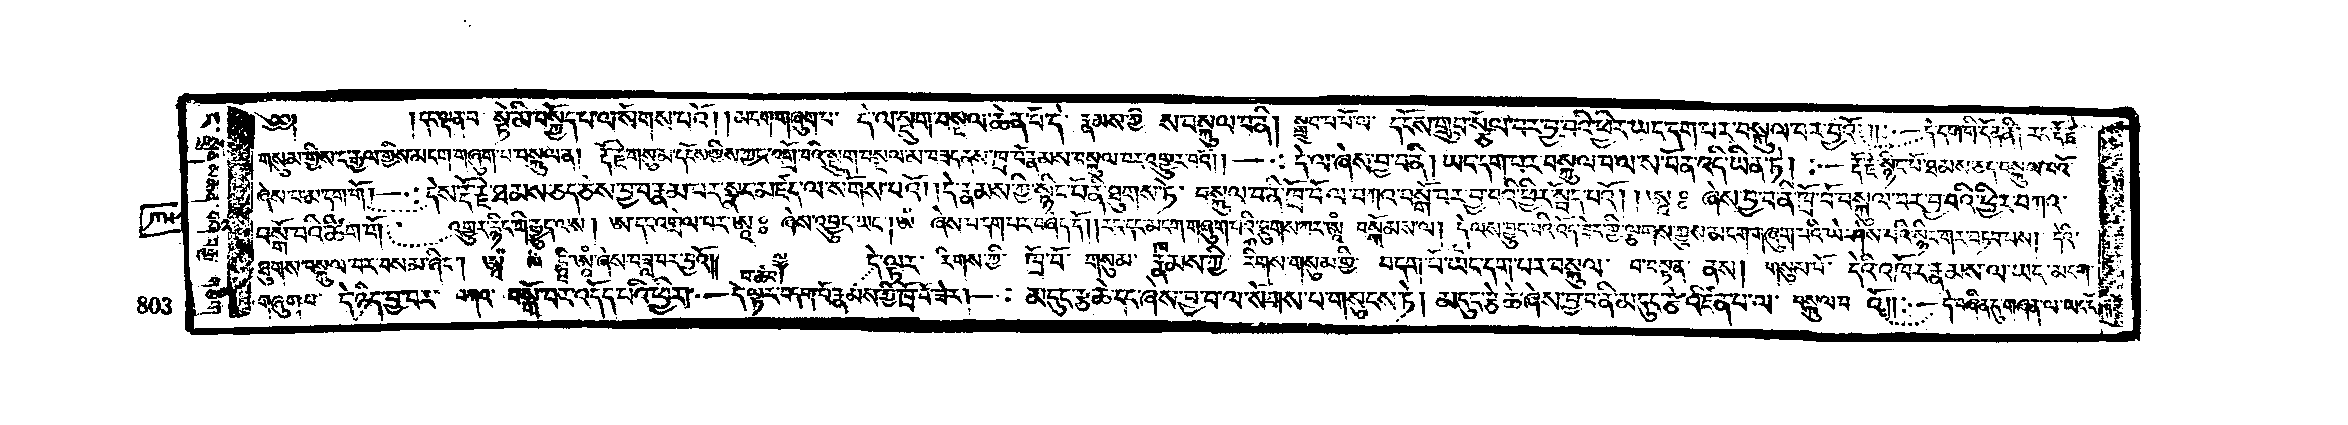༄༅། ། དང་ལྡན་པ་སྟེ་མི་བསྐྱོད་པ་ལ་སོགས་པའོ། ། མངག་གཞུག་པ་དེ་ལ་སྡུག་བསྔལ་ཆེན་པོ་དེ་རྣམས་ཀྱི་ས་བསྐུལ་བ་ནི། སྒྲུབ་པ་པོ་ལ་དངོས་གྲུབ་སྩོལ་བར་བྱ་བའི་ཕྱིར་ཡང་དག་པར་བསྐུལ་བར་བྱའོ།། H དེ་དག་གི་དོན་ནི། རང་རྡོ་རྗེ་
གསུམ་གྱིས་ང་རྒྱལ་བྱས་མངག་གཞུག་པ་བསྐུལ་ན། རྡོ་རྗེ་གསུམ་དངོས་ཀྱིས་ཀྱང་འགྲོ་བའི་སྡུག་བསྔལ་མ་བཟད་ནས་ཁྲ་བོ་རྣམས་བསྐུལ་བར་འགྱུར་བའོ།།.H དེ་ལ་ཞེས་བྱ་བ་ནི། ཡང་དག་པར་བསྐུལ་བ་ལ་ས་བོན་འདི་ཡིན་ཏེ། H རྡོ་རྗེ་སྙིང་པོ་ཐམས་ཅད་བསྐུལ་བའོ་
ཞེས་པ་མ་དག་གོ།.H དེས་རྡོ་རྗེ་ཐམས་ཅད་ཅེས་བྱ་བ་རྣམ་པར་སྣང་མཛད་ལ་སོགས་པའོ། །དེ་རྣམས་ཀྱི་སྙིང་པོ་ནི་ཐུགས་ཏེ། བསྐུལ་བ་ནི་ཁྲོ་བོ་ལ་བཀའ་བསྒོ་བར་བྱ་བའི་ཕྱིར་སྤོད་པའོ། །ཨཱཿ ཞེས་བྱ་བ་ནི་ཁྲོ་བོ་བསྐུལ་བར་བྱ་བའི་ཕྱིར་བཀའ་
བསྒོ་བའི་ཚིག་གོ། འགྱུར་རྙིང་གི་རྒྱུད་ལས། ཨ་དང་འགྲེལ་པར་ཨཱཿ ཞེས་འབྱུང་ཡང་། ཨོཾ་ཞེས་པ་དག་པར་བཞེད་དོ། །རང་དང་མངག་གཞུག་པའི་ཐུགས་ཀར་ཨཱཾ་བསྒོམས་ལ། དེ་ལས་བྱུང་བའི་འོད་ཟེར་གྱི་ལྕགས་ཀྱུས་མངག་གཞུག་པའི་ཡེ་ཤེས་པའི་སྙིང་གར་བཏབ་པས། དེའི་
ཐུགས་བསྐུལ་བར་བསམ་ཞིང་། ཨཱཾ་ཁཾ་དྷཱི་ཨཱཾ་ཞེས་བཟླ་བར་བྱའོ།།  ༈ དེ་ལྟར་རིགས་ཀྱི་ཁོ་བོ་གསུམ་ཁ་རྣམས་ཀྱི་རིགས་གསུམ་གྱི་བདག་པོ་ཡང་དག་པར་བསྐུལ་བ་བསྟན་ནས། གསུམ་པོ་དེའི་འཁོར་རྣམས་ལ་ཡང་མངག་
གཞུག་པ་དེ་ཉིད་བྱ་བར་བཀའ་བསྒོ་བར་འདོད་པའི་ཕྱིར། H པ་ཚབ་དེ་ལྟར་བདག་པོ་རྣམས་ཀྱི་ཁྲོ་བོ་ཟེར།  .H མདུང་རྩ་ཆེ་དང་ཞེས་བྱ་བ་ལ་སོགས་པ་གསུངས་ཏེ། མདུད་རྩེ་ཆེ་ཞེས་བྱ་བ་ནི་མདུང་རྩེ་འཛིན་པ་ལ་བསྐུལ་བའོ།།H དེ་བཞིན་དུ་གཞན་ལ་ཡང་ངོ།།